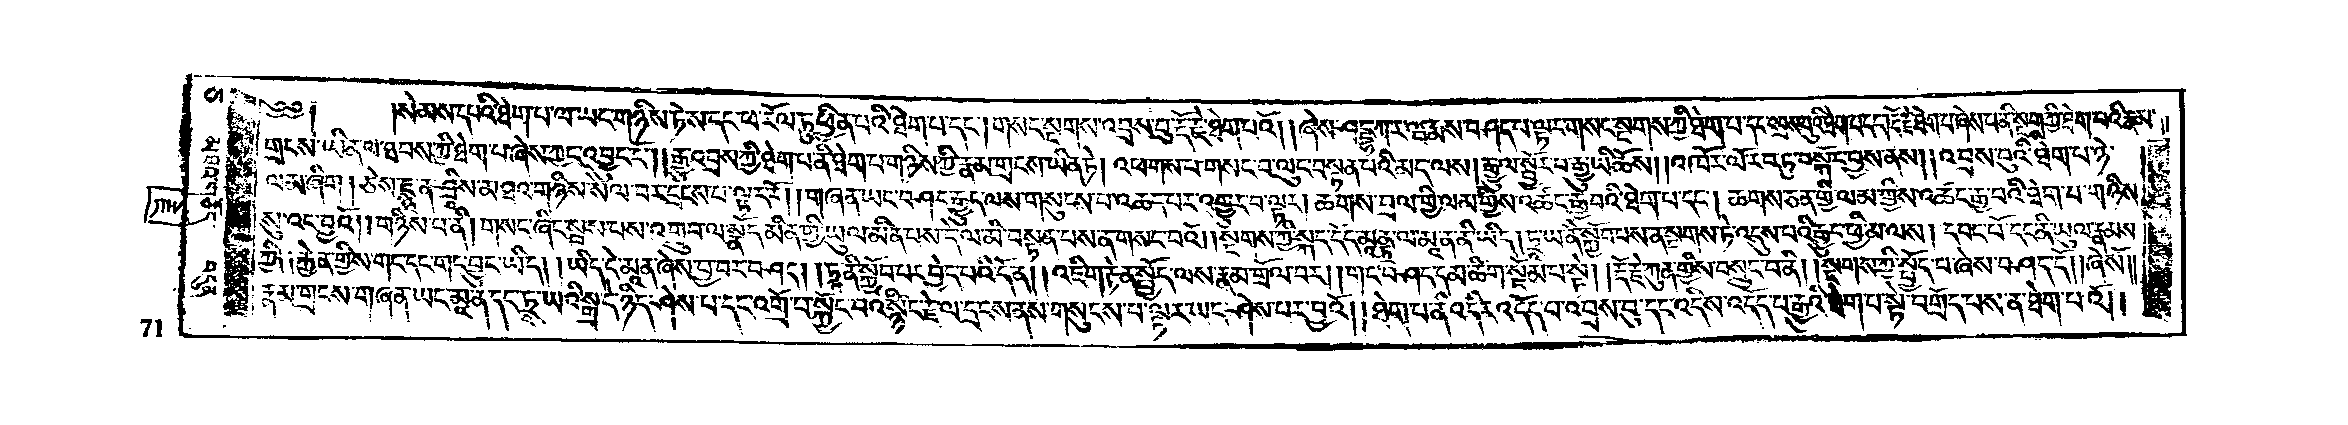༄༅། །སེམས་དཔའི་ཐེག་པ་ལ་ཡང་གཉིས་ཏེ་ས་དང་ཕ་རོལ་ཏུ་ཕྱིན་པའི་ཐེག་པ་དང་། གསང་སྔགས་འབྲས་བུ་རྡོ་རྗེ་ཐེག་པའོ། །ཞེས་ཤྲདྡྷ་ཀ་ར་ཝརྨས་བཤད་པ་ལྟར་གསང་སྔགས་ཀྱི་ཐེག་པ་དང་འབྲས་བུའི་ཐེག་པ་དང་། རྡོ་རྗེ་ཐེག་པ་ཞེས་པ་ནི་སྔགས་ཀྱི་ཐེག་པའི་རྣམ་
གྲངས་ཡིན་ལ་ཐབས་ཀྱི་ཐེག་པ་ཞེས་ཀྱང་འབྱུང་ངོ། །རྒྱུ་འབྲས་ཀྱི་ཐེག་པ་ནི་ཐེག་པ་གཉིས་ཀྱི་རྣམ་གྲངས་ཡིན་ཏེ། འཕགས་པ་གསང་བ་ལུང་བསྟན་པའི་མད་ལས། རྒྱུ་ལ་སྦྱོར་པ་རྒྱུ་ཡི་ཆོས། །འཁོར་ལོ་རབ་ཏུ་བསྐོར་བྱས་ནས། །འབྲས་བུའི་ཐག་པ་ཉེ་
ལམ་ཞིག །ཅེས་ཛྙཱ་ན་ཤྲཱིས་མཐའ་གཉིས་སེལ་བར་དྲངས་པ་ལྟར་རོ། །གཞན་ཡང་བཤད་རྒྱུད་ལས་གསུངས་པ་འཆད་པར་འགྱུར་བ་ལྟར། ཆགས་བྲལ་གྱི་ལམ་གྱིས་འཚང་རྒྱ་བའི་ཐེག་པ་དང་། ཆགས་ཅན་གྱི་ལམ་གྱིས་འཚང་རྒྱ་བའི་ཐེག་པ་གཉིས་
སུའང་བྱའོ། །གཉིས་པ་ནི། གསང་ཞིང་སྦས་པས་འགྲུབ་ལ་སྣོད་མིན་གྱི་ཡུལ་མིན་པས་དེ་ལ་མི་བསྟན་པས་ན་གསང་བའོ། །སྔགས་ཀྱི་སྐད་དོད་མཱནྟྲ་ལ་མཱ་ན་ནི་ཡིད། ཏྲཱ་ཡ་ནི་སྐྱོབ་པས་ན་སྔགས་ཏེ་འདུས་པའི་རྒྱུད་ཕྱི་མ་ལས། དབང་པོ་དང་ནི་ཡུལ་རྣམས་
ཀྱི༑ ༑རྐྱེན་གྱིས་གང་དང་གང་བྱུང་ཡིད། །ཡིད་དེ་མཱན་ཞེས་བྱ་བར་བཤད། །ཏྲཱ་ནི་སྐྱོབ་པར་བྱེད་པའི་དོན། །འཇིག་རྟེན་སྤྱོད་ལས་རྣམ་གྲོལ་བར། །གང་བཤད་དམ་ཚིག་སྡོམ་པ་སྟེ། །རྡོ་རྗེ་ཀུན་གྱིས་བསྲུང་བ་ནི། །སྔགས་ཀྱི་སྤྱོད་པ་ཞེས་བཤད་དོ། །ཞེས་སོ། །
རྣམ་གྲངས་གཞན་ཡང་མཱ་ན་དང་ཏྲཱ་ཡའི་སྒྲ་དེ་ཉིད་ཤེས་པ་དང་འགྲོ་བ་སྐྱོང་བའི་སྙིང་རྗེ་ལ་དྲངས་ནས་གསུངས་པ་ལྟར་ཡང་ཤེས་པར་བྱའོ། །ཐེག་པ་ནི་འདིར་འདོད་པ་འབྲས་བུ་དང་འདིས་འདོད་པ་རྒྱུའི་ཐེག་པ་སྟེ་བགྲོད་པས་ན་ཐེག་པའོ། །